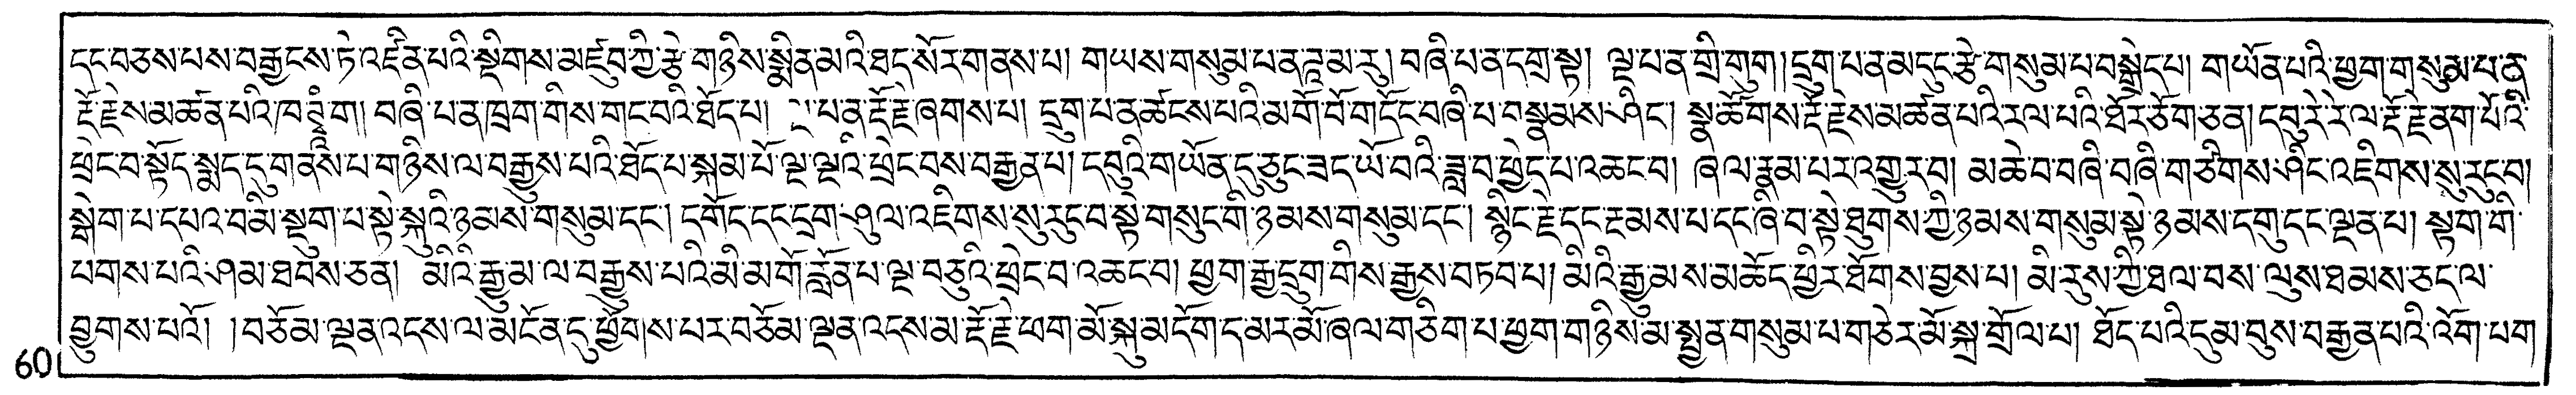དང་བཅས་པས་བརྒྱངས་ཏེ་འཛིན་པའི་སྡིགས་མཛུབ་ཀྱི་རྩེ་གཉིས་སྨིན་མའི་ཐད་སོར་གནས་པ། གཡས་གསུམ་པ་ན་ཌཱ་མ་རུ། བཞི་པ་ན་དགྲ་སྟ། ལྔ་པ་ན་གྲི་གུག །དྲུག་པ་ན་མདུང་རྩེ་གསུམ་པ་བསྒྲེད་པ། གཡོན་པའི་ཕྱག་གསུམ་པ་ན་
རྡོ་རྗེས་མཚན་པའི་ཁ་ཊྭཱཾ་ག །བཞི་པ་ན་ཁྲག་གིས་གང་བའི་ཐོད་པ། ལྔ་པ་ན་རྡོ་རྗེ་ཞགས་པ། དྲུག་པ་ན་ཚངས་པའི་མགོ་བོ་གདོང་བཞི་པ་བསྣམས་ཤིང་། སྣ་ཚོགས་རྡོ་རྗེས་མཚན་པའི་རལ་པའི་ཐོར་ཅོག་ཅན། དབུ་རེ་རེ་ལ་རྡོ་རྗེ་ནག་པོའི་
ཕྲེང་བ་སྟོད་སྨད་དུ་གནས་པ་གཉིས་ལ་བརྒྱུས་པའི་ཐོད་པ་སྐམ་པོ་ལྔ་ལྔའི་ཕྲེང་བས་བརྒྱན་པ། དབུའི་གཡོན་དུ་ཅུང་ཟད་ཡོ་བའི་ཟླ་བ་ཕྱེད་པ་འཆང་བ། ཞལ་རྣམ་པར་འགྱུར་བ། མཆེ་བ་བཞི་བཞི་གཙིགས་ཤིང་འཇིགས་སུ་རུང་བ།
སྒེག་པ་དཔའ་བ་མི་སྡུག་པ་སྟེ་སྐུའི་ཉམས་གསུམ་དང་། དགོད་དང་དྲག་ཤུལ་འཇིགས་སུ་རུང་བ་སྟེ་གསུང་གི་ཉམས་གསུམ་དང་། སྙིང་རྗེ་དང་རྔམས་པ་དང་ཞི་བ་སྟེ་ཐུགས་ཀྱི་ཉམས་གསུམ་སྟེ་ཉམས་དགུ་དང་ལྡན་པ། སྟག་གི་
པགས་པའི་ཤམ་ཐབས་ཅན། མིའི་རྒྱུ་མ་ལ་བརྒྱུས་པའི་མི་མགོ་རློན་པ་ལྔ་བཅུའི་ཕྲེང་བ་འཆང་བ། ཕྱག་རྒྱ་དྲུག་གིས་རྒྱས་བཏབ་པ། མིའི་རྒྱུ་མས་མཆོད་ཕྱིར་ཐོགས་བྱས་པ། མི་རུས་ཀྱི་ཐལ་བས་ལུས་ཐམས་ཅད་ལ་
བྱུགས་པའོ། །བཅོམ་ལྡན་འདས་ལ་མངོན་དུ་ཕྱོགས་པར་བཅོམ་ལྡན་འདས་མ་རྡོ་རྗེ་ཕག་མོ་སྐུ་མདོག་དམར་མོ་ཞལ་གཅིག་པ་ཕྱག་གཉིས་མ་སྤྱན་གསུམ་པ་གཅེར་མོ་སྐྲ་གྲོལ་པ། ཐོད་པའི་དུམ་བུས་བརྒྱན་པའི་འོག་པག་